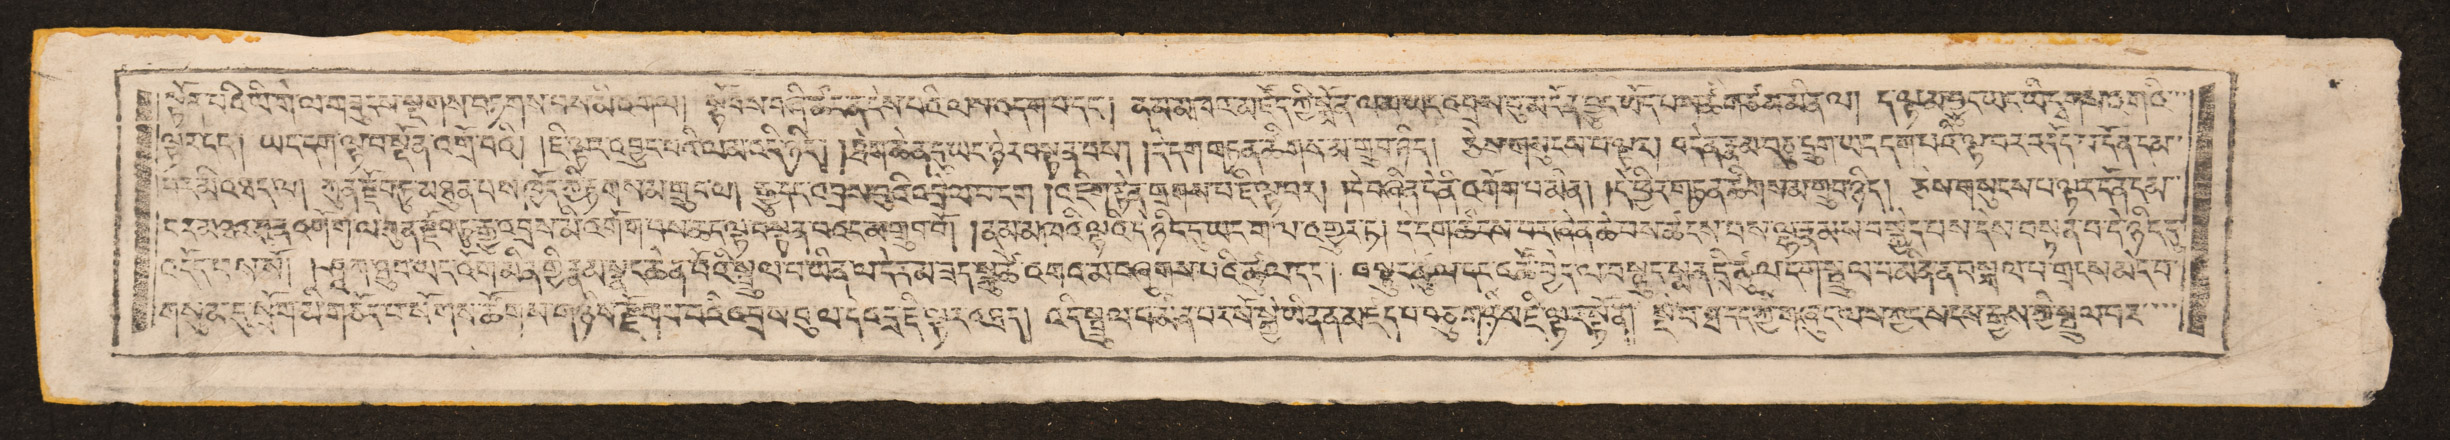སྟོན་པའི་ཡི་གེ་ལ་གཟུངས་སྔགས་བཏགས་པས་མི་འགལ། སྟོབས་བཞི་ཚད་ན་དེས་པའི་ལས་འདག་པ་དང་། ནམ་མཁའ་མཛོད་ཀྱི་སྨོན་ལམ་ཡང་འབྲས་བུ་མངོན་བྱུང་ཡོད་པས་ཚིག་ཙམ་མིན་ལ། ད་ལྟ་མ་བྱུང་ཡང་ཡི་དྭགས་འགའི་
ལྟར་དང་། ཡང་དག་ལྟ་བ་སྔོན་འགྲོ་བའི། །ཇི་ལྟར་འབྱུང་བའི་ལམ་འདི་ཉིད། །ཐེག་ཆེན་དུ་ཡང་ཉེར་བསྟན་པས། །དེ་དག་གཏན་ཚིགས་མ་གྲུབ་ཉིད། ཅེས་གསུངས་པ་ལྟར། བདེན་རྣམ་བཅུ་དྲུག་ཡང་དག་པའི་ལྟ་བར་འདོད་པ་དོན་དམ་
པར་མི་འཐད་ལ། ཀུན་རྫོབ་ཏུ་མཐུན་པས་ཁྱོད་ཀྱི་རྟགས་མ་གྲུབ་ལ། རྒྱུ་དང་འབྲས་བུའི་འབྲེལ་བ་དག །འཇིག་རྟེན་གྲགས་པ་ཇི་ལྟ་བར། །དེ་བཞིན་དེ་ནི་འགོག་པ་མིན། །དེ་ཕྱིར་གཏན་ཚིགས་མ་གྲུབ་ཉིད། ཅེས་གསུངས་པ་ལྟར་དོན་དམ་
པར་མཐའ་ཀུན་འགོག་ལ་ཀུན་རྫོབ་ཏུ་རྒྱུ་འབྲས་མི་འགོག་བས་ཆང་ལྟ་བསྟན་པའང་མ་གྲུབ་བོ། །ནམ་མཁའི་ལྷའི་དེ་ཉིད་དུ་ཡང་གལ་འགྱུར་ཏེ། དོ་ངག་ཆིངས་བར་ཞེན་ཆེ་བས་ཆིངས་པས་ལྷ་རྣམ་མ་བསྒྱིད་པས་དེས་བསྟན་པ་དེ་ཉིད་དུ་
འདོད་པས་སོ། །ཤཱཀ་ཐུབ་ཡང་འོག་མིན་གྱི་རྣམ་སྣང་ཆེན་པོའི་སྤྲུལ་པ་ཡིན་ལ་དེར་མ་ཟད་སྐུ་ཚེ་འགའ་མ་བཞུགས་པའི་ཚུལ་དང་། བསྙུང་ཚུལ་དང་འཚོ་བྱེད་ལ་བསྙུང་སྨན་དྲི་ཚུལ་དག་སྤྲུལ་བ་མིན་ན་བསྐལ་བ་གྲངས་མེད་པ་
གསུམ་དུ་སྲོག་མི་གཅོད་པ་སོགས་ཚོགས་གཉིས་རྫོགས་པའི་འབྲས་བུ་ལ་དེ་འདྲ་ཇི་ལྟར་འཐད། འདི་སྤྲུལ་བ་མིན་པར་སོ་སྐྱེ་ཡིན་ན་མཛད་པ་བཅུ་གཉིས་ཇི་ལྟར་སྟོན། སྡེ་བ་ཐ་དད་ཀྱི་གཞུང་ལས་ཀྱང་གསངས་རྒྱས་ཀྱི་སྤྲུལ་བར་